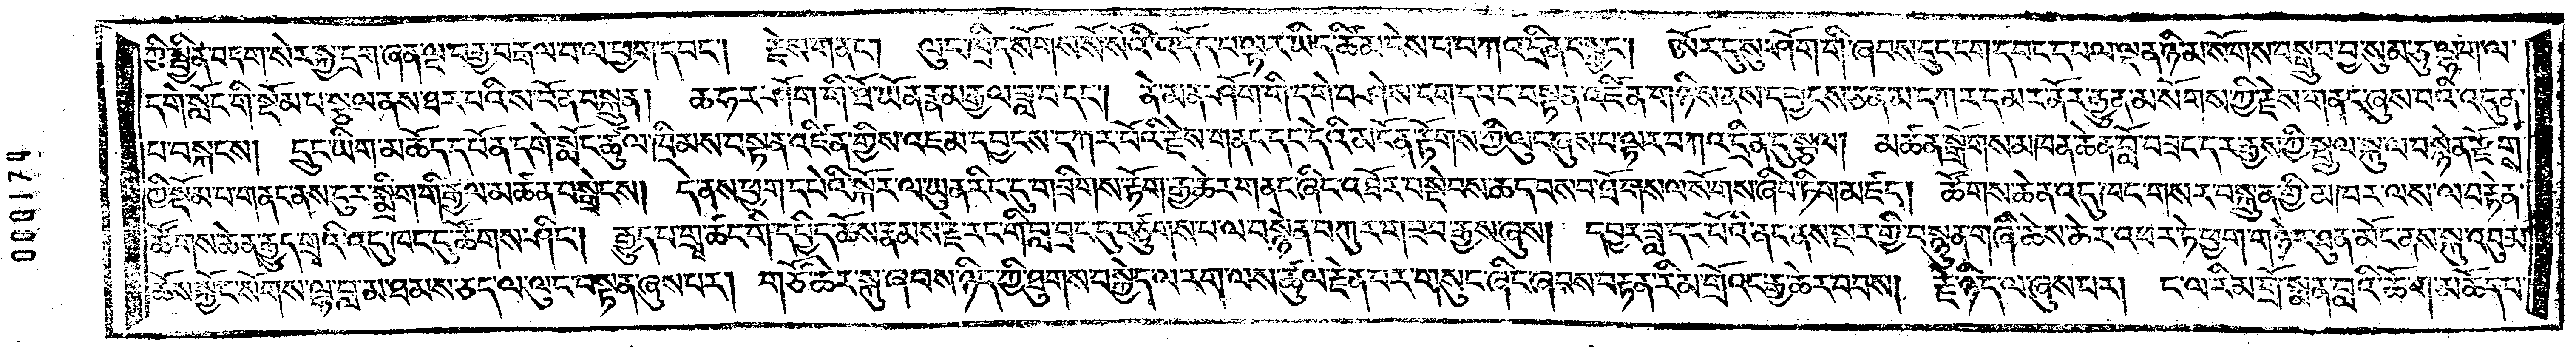ཀྱི་སྦྱིན་བདག་སེར་སྐྱ་དྲག་ཞན་ལྔ་བརྒྱ་བརྒལ་བ་ལ་ཕྱག་དབང་། རྗེས་གནང་། ལུང་ཁྲིད་སོགས་སོ་སོའི་འདོད་པ་ལྟར་ཡིད་ཚིམ་ངེས་པ་བཀའ་དྲིན་བསྐྱང་། ཨོར་དུ་སུ་ཤོག་གི་ཞབས་དྲུང་ངག་དབང་དཔལ་ལྡན་ཉི་མ་སོགས་བསྒྲུབ་བྱ་སུམ་ཅུ་ལྷག་ལ་
དགེ་སློང་གི་སྡོམ་པ་སྩལ་ནས་ཐར་བའི་ས་བོན་བསྐྲུན། ཆ་ཧར་ཤོག་གི་ཐོ་ཡོན་རྣམ་རྒྱལ་ཟླ་བ་དང་། ནེ་མན་ཤོག་གི་དགེ་བཤེས་ངག་དབང་བསྟན་འཛིན་གཉིས་ནས་དབྱངས་ཅན་མ་དཀར་དམར་ནོར་རྒྱུན་མ་སོགས་ཀྱི་རྗེས་གནང་ཞུས་པའི་འདུན་
པ་བསྐངས། དྲུང་ཡིག་མཆོད་དཔོན་དགེ་སློང་ཚུལ་ཁྲིམས་བསྟན་འཛིན་གྱིས་འཇམ་དབྱངས་དཀར་པོའི་རྗེས་གནང་དང་དེའི་མངོན་རྟོགས་ཀྱི་ལུང་ཞུས་པ་ལྟར་བཀའ་དྲིན་དུ་སྩལ། མཚན་སྒྲོགས་མཁན་ཆེན་བློ་བཟང་དར་རྒྱས་ཀྱི་སྤྲུལ་སྐུ་ལ་བསྙེན་རྫོགས་
ཀྱི་སྡོམ་པ་གནང་ནས་ངུར་སྨྲིག་གི་རྒྱལ་མཚན་བསྒྲེངས། དེ་ནས་ཕྱག་དཔེའི་སྐོར་ལ་ཡུན་རིང་དུ་གཟིགས་རྟོག་རྒྱ་ཆེར་གནང་ཞིང་འཐོར་བསྡེབས་ཆད་བསབ་ཐོ་གསལ་སོགས་ཞིབ་ཏིག་མཛད། ཚོགས་ཆེན་འདུ་ཁང་གསར་བསྐྲུན་གྱི་མཁར་ལས་ལ་བརྟེན་
ཚོགས་ཆེན་རྒྱུད་གྲྭའི་འདུ་ཁང་དུ་ཚོགས་ཤིང་། རྒྱུད་པ་གྲྭ་ཚང་གི་དཔྱིད་ཆོས་རྣམས་རྗེ་རང་གི་བླ་བྲང་དུ་བཙུགས་པ་ལ་བསྙེན་བཀུར་གཟབ་རྒྱས་ཞུས། དབྱར་ཟླ་དང་པོའི་ནང་ནས་སྔར་གྱི་བསྙུན་གཞི་ཆེས་ཆེར་འཕར་ཏེ་ཕྱག་གཉེར་ཐུན་མོང་ནས་སྐུ་འབུམ་
ཆོས་སྐྱོང་སོགས་ལྷ་བླ་མ་ཐམས་ཅད་ལ་ལུང་བསྟན་ཞུས་པར། གཙོ་ཆེར་སྐུ་ཞབས་ཉིད་ཀྱི་ཐུགས་བསྐྱེད་ལ་རག་ལས་ཚུལ་རྗེན་པར་གསུང་ཞིང་ཞབས་བརྟན་རིམ་གྲོའང་རྒྱ་ཆེར་བབས། རྗེ་ཉིད་ལ་ཞུས་པར། ང་ལ་རིམ་གྲོ་སྨན་བླའི་ཆོག་མཆོད་པ་